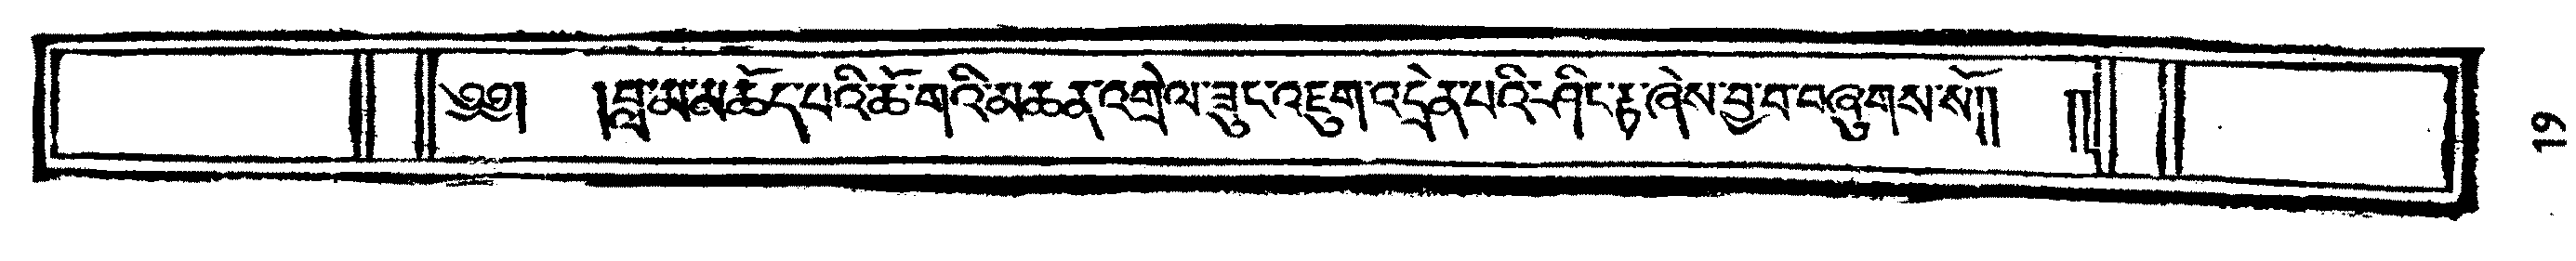༄༅། །བླ་མ་མཆོད་པའི་ཆོ་གའི་མཆན་འགྲེལ་ཟུང་འཇུག་འདྲེན་པའི་ཤིང་རྟ་ཞེས་བྱ་བ་བཞུགས་སོ།། །།